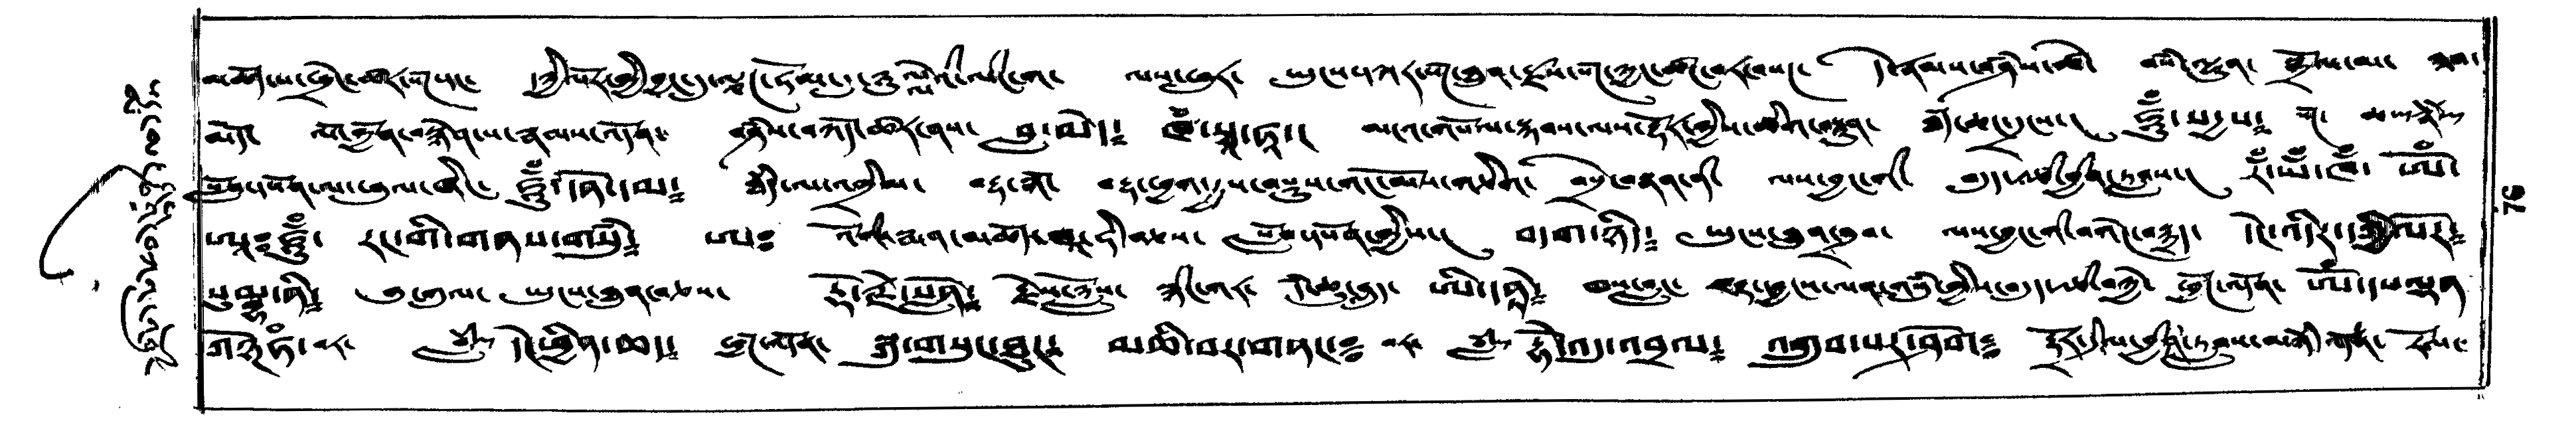མཆོད་པ་ཕྲེང་ཚར་སོགས་དང་། དཀྱིལ་འཁོར་གྱི་བྱང་དུ་ལྕགས་ཧོམ་དུ་ཉུལ་ལེའི་ལིང་ག། ལས་ཕུར། ཡུངས་དཀར་སོགས་ཐུན་རྫས་སོགས་ཀྱང་ཚང་བར་བསགས། དེ་རྣམས་བཤམས་ཚེ། བསམ་ལྷུན། སྒྲོལ་མ། ཟབ་
མདོ། ལོ་གྱོན་མའི་བསྙེན་པ་རྣམས་འདོན། བཤམས་བཀོད་ཚར་ནས། བླ་མེད༴ ཁཾ་སྭ་ཧཱ། མངའ་གསོལ་སྐབས་ལས་རྡོར་གྱིས་ཚིག་བསྟུན། ཐོད་ཆང་དྲངས། ཧཱུྃ་སངས་རྒྱས༴ སོགས། ཆས་རྣམས་
སློབ་དཔོན་ལ་ཕུལ་ཞིང་། ཧཱུྃ་དོན་དམ༴ ཐམས་ཅད་ལ་འགྲིམ། བརྡ་སྒོ། བརྡ་ཕྱག་རྒྱས་བསྡུས་གང་མོས་གཅིག བསྲེ་བསྣན་ནི། ལས་བྱང་གི། བདུད་རྩི་བྱིན་བརླབས། རྃ་ཡྃ་ཁྃ། ཨོཾ་
ཨཱཿཧཱུྃ། རང་གི་གནས་གསུམ༴ ཨཿ འོག་གི་སྨན་མཆོད་ཁཱ་ཧི་བཅས། སློབ་དཔོན་གྱིས། བདག་ཉིད༴ ཡུངས་ཐུན་གྲབ། ལས་བྱང་གི་བགེགས་བསྐྲད། དེང་འདིར་དཀྱིལ་འཁོར༴
སུམྦྷ་ནི༴ གུ་གུལ། ཡུངས་ཐུན་བཅས།རྡོ་རྗེ་སློབ་དཔོན༴ རྗེས་ཟློས་། སྙིང་གར། དམ་ཆུ་བླུད། ཨི་དནྟེ༴ ཁས་བླང་། ཛབ་དབྱངས་ལན་གསུམ་གྱིས་བདུད་རྩི་བཀྱེ། ཕྱོགས་འདོན། ཨོཾ་དཔལ་ལྡན་
ཀོ་྅་ཧཾ་བར། བླ་མས་དེང་ཕྱིན་ཆད༴ ཕྱོགས་འདོན། སྐུ་གསུང་ཐུགས༴ མཆི་བར་གནང༔ བར། བླ་མས། རྡོ་རྗེ་འདུ་འབྲལ༴ འགྲུབ་པར་ཤོག༔ རྡོར་དྲིལ་བྱིན་བརླབས་མཉམ་འདོན། རོལ་